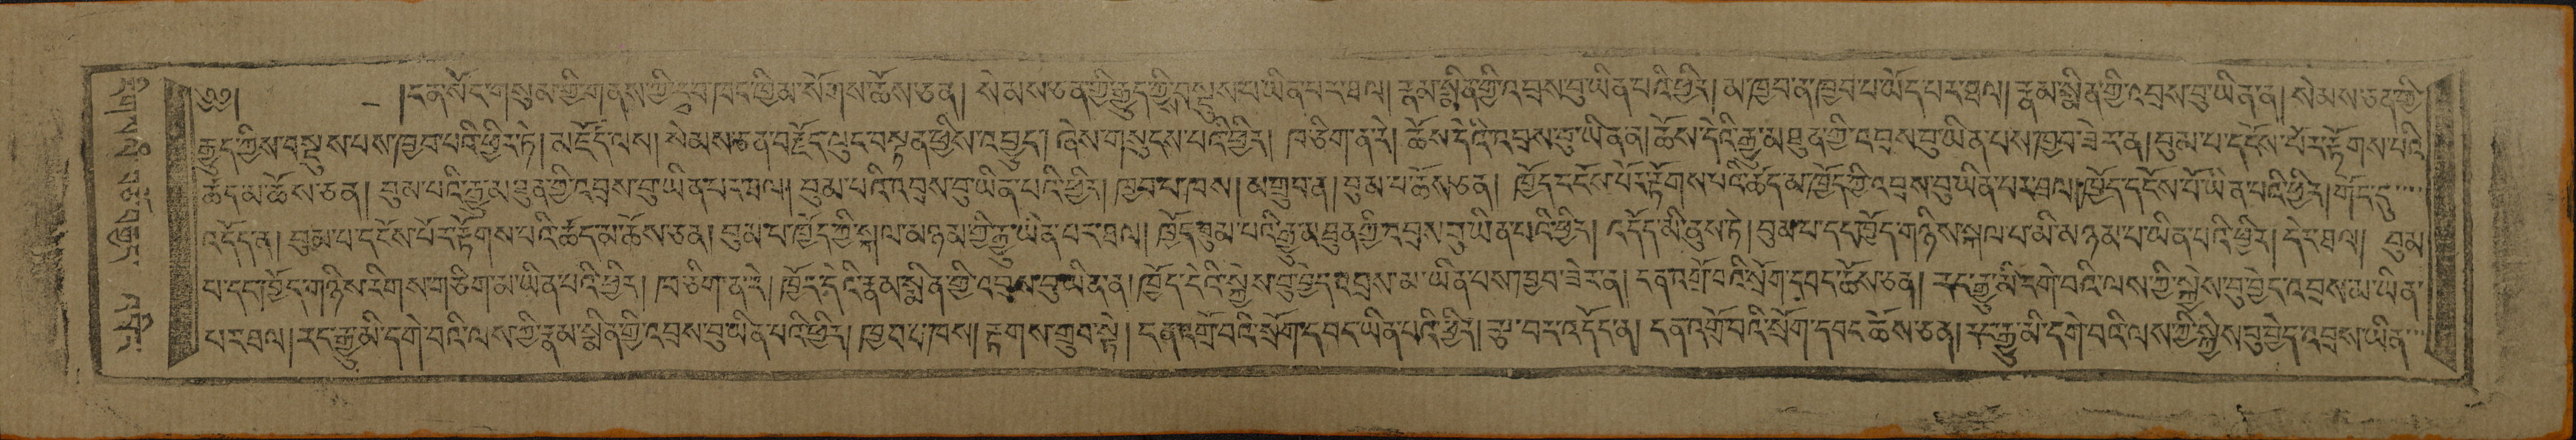༄༅། །ངན་སོང་གསུམ་གྱི་གནས་ཀྱི་རྭ་བ་ཁང་ཁྱིམ་སོགས་ཆོས་ཅན། སེམས་ཅན་གྱི་རྒྱུད་ཀྱིས་བསྡུས་པ་ཡིན་པར་ཐལ། རྣམ་སྨིན་གྱི་འབྲས་བུ་ཡིན་པའི་ཕྱིར། མ་ཁྱབ་ན་ཁྱབ་པ་ཡོད་པར་ཐལ། རྣམ་སྨིན་གྱི་འབྲས་བུ་ཡིན་ན། སེམས་ཅན་གྱི་
རྒྱུད་ཀྱིས་བསྡུས་པས་ཁྱབ་པའི་ཕྱིར་ཏེ། མཛོད་ལས། སེམས་ཅན་བརྗོད་ལུང་བསྟན་ཕྱིས་འབྱུང་། ཞེས་གསུངས་པའི་ཕྱིར། ཁ་ཅིག་ན་རེ། ཆོས་དེའི་འབྲས་བུ་ཡིན་ན། ཆོས་དེའི་རྒྱུ་མཐུན་གྱི་འབྲས་བུ་ཡིན་པས་ཁྱབ་ཟེར་ན། བུམ་པ་དངོས་པོར་རྟོགས་པའི་
ཚད་མ་ཆོས་ཅན། བུམ་པའི་རྒྱུ་མཐུན་གྱི་འབྲས་བུ་ཡིན་པར་ཐལ། བུམ་པའི་འབྲས་བུ་ཡིན་པའི་ཕྱིར། ཁྱབ་པ་ཁས། མ་གྲུབ་ན། བུམ་པ་ཆོས་ཅན། ཁྱོད་དངོས་པོར་རྟོགས་པའི་ཚད་མ་ཁྱོད་ཀྱི་འབྲས་བུ་ཡིན་པར་ཐལ། ཁྱོད་དངོས་པོ་ཡིན་པའི་ཕྱིར། གོང་དུ་
འདོད་ན། བུམ་པ་དངོས་པོར་རྟོགས་པའི་ཚད་མ་ཆོས་ཅན། བུམ་པ་ཁྱོད་ཀྱི་སྐལ་མཉམ་གྱི་རྒྱུ་ཡིན་པར་ཐལ། ཁྱོད་བུམ་པའི་རྒྱུ་མཐུན་གྱི་འབྲས་བུ་ཡིན་པའི་ཕྱིར། འདོད་མི་ནུས་ཏེ། བུམ་པ་དང་ཁྱོད་གཉིས་སྐལ་པ་མི་མཉམ་པ་ཡིན་པའི་ཕྱིར། དེར་ཐལ། བུམ་
པ་དང་ཁྱོད་གཉིས་རིགས་གཅིག་མ་ཡིན་པའི་ཕྱིར། ཁ་ཅིག་ན་རེ། ཁྱོད་དེའི་རྣམ་སྨིན་གྱི་འབྲས་བུ་ཡིན་ན། ཁྱོད་དེའི་སྐྱེས་བུ་བྱེད་འབྲས་མ་ཡིན་པས་ཁྱབ་ཟེར་ན། ངན་འགྲོ་བའི་སྲོག་དབང་ཆོས་ཅན། རང་རྒྱུ་མི་དགེ་བའི་ལས་ཀྱི་སྐྱེས་བུ་བྱེད་འབྲས་མ་ཡིན་
པར་ཐལ། རང་རྒྱུ་མི་དགེ་བའི་ལས་ཀྱི་རྣམ་སྨིན་གྱི་འབྲས་བུ་ཡིན་པའི་ཕྱིར། ཁྱབ་པ་ཁས། རྟགས་གྲུབ་སྟེ། ངན་འགྲོ་བའི་སྲོག་དབང་ཡིན་པའི་ཕྱིར། རྩ་བར་འདོད་ན། ངན་འགྲོ་བའི་སྲོག་དབང་ཆོས་ཅན། རང་རྒྱུ་མི་དགེ་བའི་ལས་ཀྱི་སྐྱེས་བུ་བྱེད་འབྲས་ཡིན་